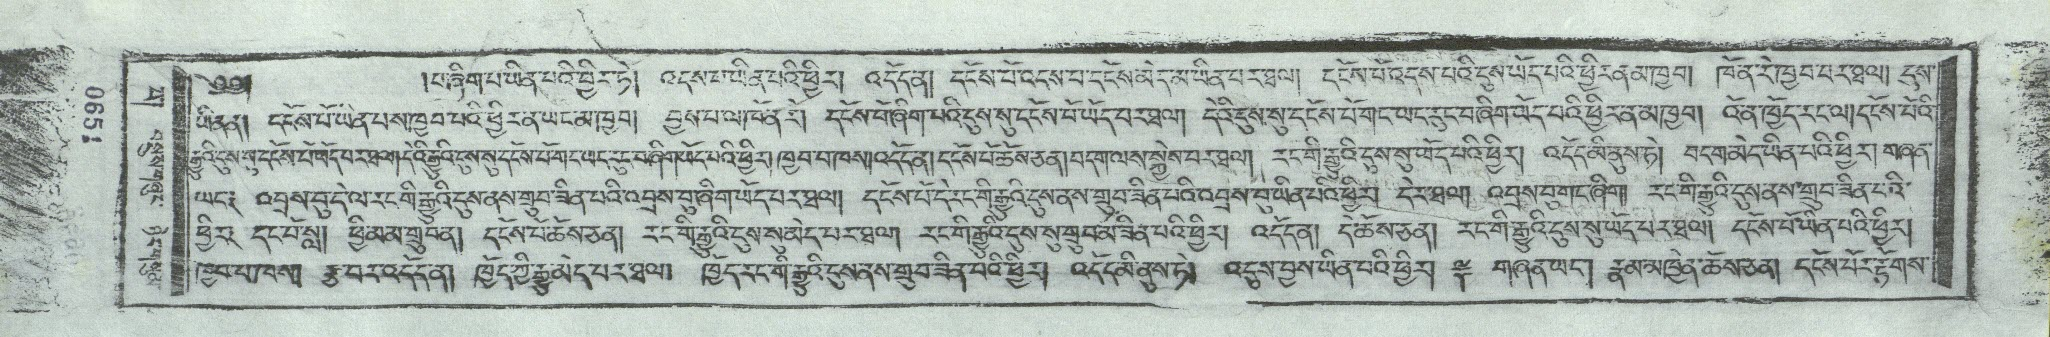༄༅། །པ་ཞིག་པ་ཡིན་པའི་ཕྱིར་ཏེ། འདས་པ་ཡིན་པའི་ཕྱིར། འདོད་ན། དངོས་པོ་འདས་པ་དངོས་མེད་མ་ཡིན་པར་ཐལ། དངོས་པོ་འདས་པའི་དུས་ཡོད་པའི་ཕྱིར་ནམ་ཁྱབ། ཁོ་ན་རེ་ཁྱབ་པར་ཐལ། དུས་
ཡིན་ན། དངོས་པོ་ཡིན་པས་ཁྱབ་པའི་ཕྱིར་ན་ཡང་མ་ཁྱབ། བྱས་པ་ལ་ཁོ་ན་རེ། དངོས་པོ་ཞིག་པའི་དུས་སུ་དངོས་པོ་ཡོད་པར་ཐལ། དེའི་དུས་སུ་དངོས་པོ་གང་ཡང་རུང་བ་ཞིག་ཡོད་པའི་ཕྱིར་ན་མཁྱབ། འོ་ན་ཁྱོད་རང་ལ། དངོས་པོའི་
རྒྱུའི་དུས་སུ་དངོས་པོ་ཡོད་བར་ཐལ། དེའི་རྒྱུའི་དུས་སུ་དངོས་པོ་གང་ཡང་རུང་བ་ཞིག་ཡོད་པའི་ཕྱིར། ཁྱབ་པ་ཁས། འདོད་ན། དངོས་པོ་ཆོས་ཅན། བདག་ལས་སྐྱེས་པར་ཐལ། རང་གི་རྒྱུའི་དུས་སུ་ཡོད་པའི་ཕྱིར། འདོད་མི་ནུས་ཏེ། བདག་མེད་ཡིན་པའི་ཕྱིར། གཞན་
ཡང༑ འབྲས་བུ་དེ་ལ་རང་གི་རྒྱུའི་དུས་ནས་གྲུབ་ཟིན་པའི་འབྲས་བུ་ཞིག་ཡོད་པར་ཐལ། དངོས་པོ་དེ་རང་གི་རྒྱུའི་དུས་ནས་གྲུབ་ཟིན་པའི་འབྲས་བུ་ཡིན་པའི་ཕྱིར། དེར་ཐལ། འབྲས་བུ་གང་ཞིག། རང་གི་རྒྱུའི་དུས་ནས་གྲུབ་ཟིན་པའི་
ཕྱིར༑ དང་པོ་སླ། ཕྱི་མ་མ་གྲུབ་ན། དངོས་པོ་ཆོས་ཅན། རང་གི་རྒྱུའི་དུས་སུ་མེད་པར་ཐལ། རང་གི་རྒྱུའི་དུས་སུ་གྲུབ་མ་ཟིན་པའི་ཕྱིར། འདོད་ན། དེ་ཆོས་ཅན། རང་གི་རྒྱུའི་དུས་སུ་ཡོད་པར་ཐལ། དངོས་པོ་ཡིན་པའི་ཕྱིར།
ཁྱབ་བ་ཁས། རྩ་བར་འདོད་ན། ཁྱོད་ཀྱི་རྒྱུ་མེད་པར་ཐལ། ཁྱོད་རང་གི་རྒྱུའི་དུས་ནས་གྲུབ་ཟིན་པའི་ཕྱིར། འདོད་མི་ནུས་ཏེ། འདུས་བྱས་ཡིན་པའི་ཕྱིར། ༈ གཞན་ཡང་། རྣམ་མཁྱེན་ཆོས་ཅན། དངོས་པོར་རྟོགས་